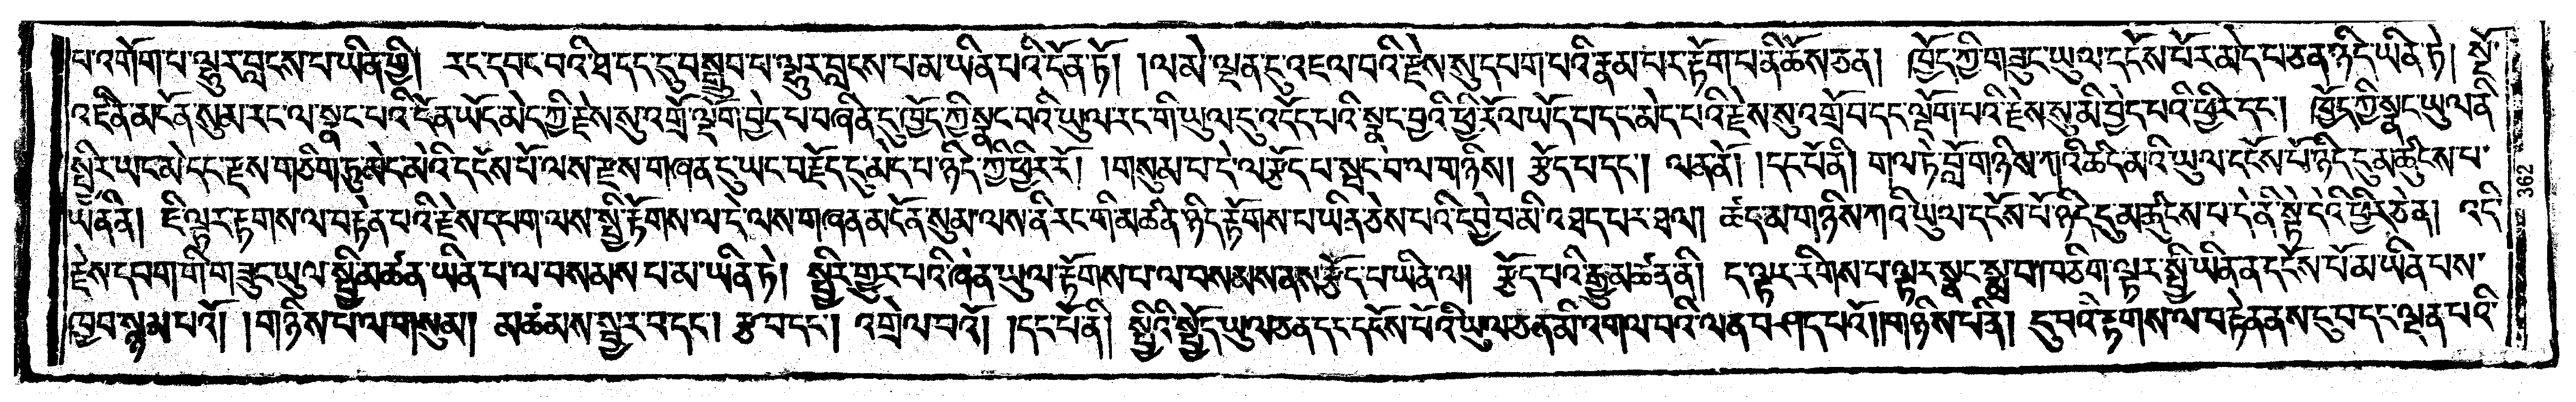པ་འགོག་པ་ལྷུར་བླངས་པ་ཡིན་གྱི། རང་དབང་བའི་ཐ་དད་དུ་བསྒྲུབ་པ་ལྷུར་བླངས་པ་མ་ཡིན་པའི་དོན་ཏོ། །ལ་མེ་ལྡན་དུ་འཇལ་བའི་རྗེས་སུ་དཔག་པའི་རྣམ་པར་རྟོག་པ་ནི་ཆོས་ཅན། ཁྱོད་ཀྱི་གཟུང་ཡུལ་དངོས་པོར་མེད་པ་ཅན་ཉིད་ཡིན་ཏེ། སྔོ་
འཛིན་མངོན་སུམ་རང་ལ་སྣང་བའི་དོན་ཡོད་མེད་ཀྱི་རྗེས་སུ་འགྲོ་ལྡོག་བྱེད་པ་བཞིན་དུ་ཁྱོད་ཀྱི་སྣང་བའི་ཡུལ་རང་གི་ཡུལ་དུ་འདོད་པའི་སྣང་བྱའི་ཕྱི་རོལ་ཡོད་པ་དང་མེད་པའི་རྗེས་སུ་འགྲོ་བ་དང་ལྡོག་པའི་རྗེས་སུ་མི་བྱེད་པའི་ཕྱིར་དང་། ཁྱོད་ཀྱི་སྣང་ཡུལ་ནི་
སྤྱིར་ཡང་མེ་དང་རྫས་གཅིག་ཏུ་མེད་མེའི་དངོས་པོ་ལས་རྫས་གཞན་དུ་ཡང་བརྗོད་དུ་མེད་པ་ཉིད་ཀྱི་ཕྱིར་རོ། །གསུམ་པ་དེ་ལ་རྩོད་པ་སྤང་བ་ལ་གཉིས། རྩོད་པ་དང་། ལན་ནོ། །དང་པོ་ནི། གལ་ཏེ་བློ་གཉིས་ཀའི་ཚད་མའི་ཡུལ་དངོས་པོ་ཉིད་དུ་མཚུངས་པ་
ཡིན་ན། ཇི་ལྟར་རྟགས་ལ་བརྟེན་པའི་རྗེས་དཔག་ལས་སྤྱི་རྟོགས་ལ་དེ་ལས་གཞན་མངོན་སུམ་ལས་ནི་རང་གི་མཚན་ཉིད་རྟོགས་པ་ཡིན་ཅེས་པའི་དབྱེ་བ་མི་འཐད་པར་ཐལ། ཚད་མ་གཉིས་ཀའི་ཡུལ་དངོས་པོ་ཉིད་དུ་མཚུངས་པ་དེ་ནི་སྟེ་དེའི་ཕྱིར་ཅེ་ན། འདི་
རྗེས་དཔག་གི་གཟུང་ཡུལ་སྤྱི་མཚན་ཡིན་པ་ལ་བསམས་པ་མ་ཡིན་ཏེ། སྤྱིར་གྱུར་པའི་ཞེན་ཡུལ་རྟོགས་པ་ལ་བསམས་ནས་རྩོད་པ་ཡིན་ལ། རྩོད་པའི་རྒྱུ་མཚན་ནི། ད་ལྟར་རིགས་པ་ལྟར་སྣང་སྨྲ་བ་ཁ་ཅིག་ལྟར་སྤྱི་ཡིན་ན་དངོས་པོ་མ་ཡིན་པས་
ཁྱབ་སྙམ་པའོ། །གཉིས་པ་ལ་གསུམ། མཚམས་སྦྱར་བ་དང་། རྩ་བ་དང་། འགྲེལ་པའོ། །དང་པོ་ནི། སྤྱིའི་སྤྱོད་ཡུལ་ཅན་དང་དངོས་པོའི་ཡུལ་ཅན་མི་འགལ་བའི་ལན་བཤད་པའོ། །གཉིས་པ་ནི། དུ་བའི་རྟགས་ལ་བརྟེན་ནས་དུ་བ་དང་ལྡན་པའི་